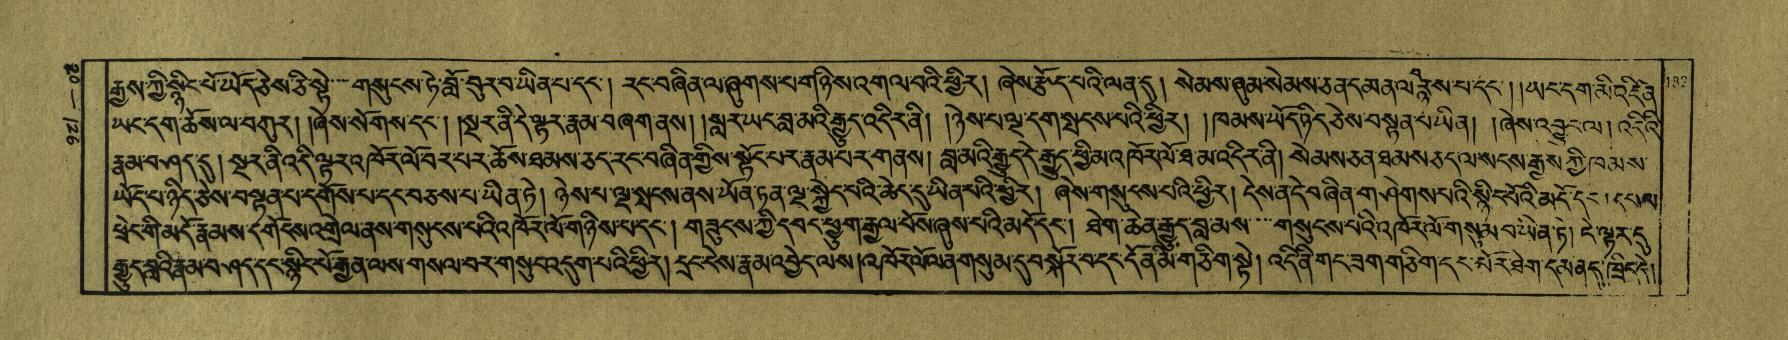རྒྱས་ཀྱི་སྙིང་པོ་ཡོད་ཅེས་ཅི་སྟེ་གསུངས་ཏེ་བློ་བུར་བ་ཡིན་པ་དང་། རང་བཞིན་ལ་ཞུགས་པ་གཉིས་འགལ་བའི་ཕྱིར། ཞེས་རྩོད་པའི་ལན་དུ། སེམས་ཞུམ་སེམས་ཅན་དམན་ལ་རྙེས་པ་དང་། །ཡང་དག་མི་འཛིན་
ཡང་དག་ཆོས་ལ་བཀུར། །ཞེས་སོགས་དང་། །སྔར་ནི་དེ་ལྟར་རྣམ་བཞག་ནས། །སླར་ཡང་བླ་མའི་རྒྱུད་འདིར་ནི། །ཉེས་པ་ལྔ་དག་སྤངས་པའི་ཕྱིར། །ཁམས་ཡོད་ཉིད་ཅེས་བསྟན་པ་ཡིན། །ཞེས་འབྱུང་ལ། འདིའི་
རྣམ་བཤད་དུ། སྔར་ནི་འདི་ལྟར་འཁོར་ལོ་བར་པར་ཆོས་ཐམས་ཅད་རང་བཞིན་གྱིས་སྟོང་པར་རྣམ་པར་གནས། བླ་མའི་རྒྱུད་དེ་རྒྱུད་ཕྱི་མ་འཁོར་ལོ་ཐ་མ་འདིར་ནི། སེམས་ཅན་ཐམས་ཅད་ལ་སངས་རྒྱས་ཀྱི་ཁམས་
ཡོད་པ་ཉིད་ཅེས་བསྟན་པ་དགོས་པ་དང་བཅས་པ་ཡིན་ཏེ། ཉེས་པ་ལྔ་སྤངས་ནས་ཡོན་ཏན་ལྔ་སྐྱེད་པའི་ཆེད་དུ་ཡིན་པའི་ཕྱིར། ཞེས་གསུངས་པའི་ཕྱིར། དེས་ན་དེ་བཞིན་གཤེགས་པའི་སྙིང་པོའི་མདོ་དང་། དཔལ་
ཕྲེང་གི་མདོ་རྣམས་དགོངས་འགྲེལ་ནས་གསུངས་པའི་འཁོར་ལོ་གཉིས་པ་དང་། གཟུངས་ཀྱི་དབང་ཕྱུག་རྒྱལ་པོས་ཞུས་པའི་མདོ་དང་། ཐེག་ཆེན་རྒྱུད་བླ་མས་གསུངས་པའི་འཁོར་ལོ་གསུམ་བ་ཡིན་ཏེ། དེ་ལྟར་དུ་
རྒྱུད་བླའི་རྣམ་བཤད་དང་སྙིང་པོ་རྒྱན་ལས་གསལ་བར་གསུང་འདུག་པའི་ཕྱིར། དྲང་ངེས་རྣམ་འབྱེད་ལས། འཁོར་ལོ་ལན་གསུམ་དུ་བསྐོར་བ་དང་དོན་མི་གཅིག་སྟེ། འདི་ནི་གང་ཟག་གཅིག་དང་པོར་ཐེག་དམན་དུ་ཁྲིད་དེ།